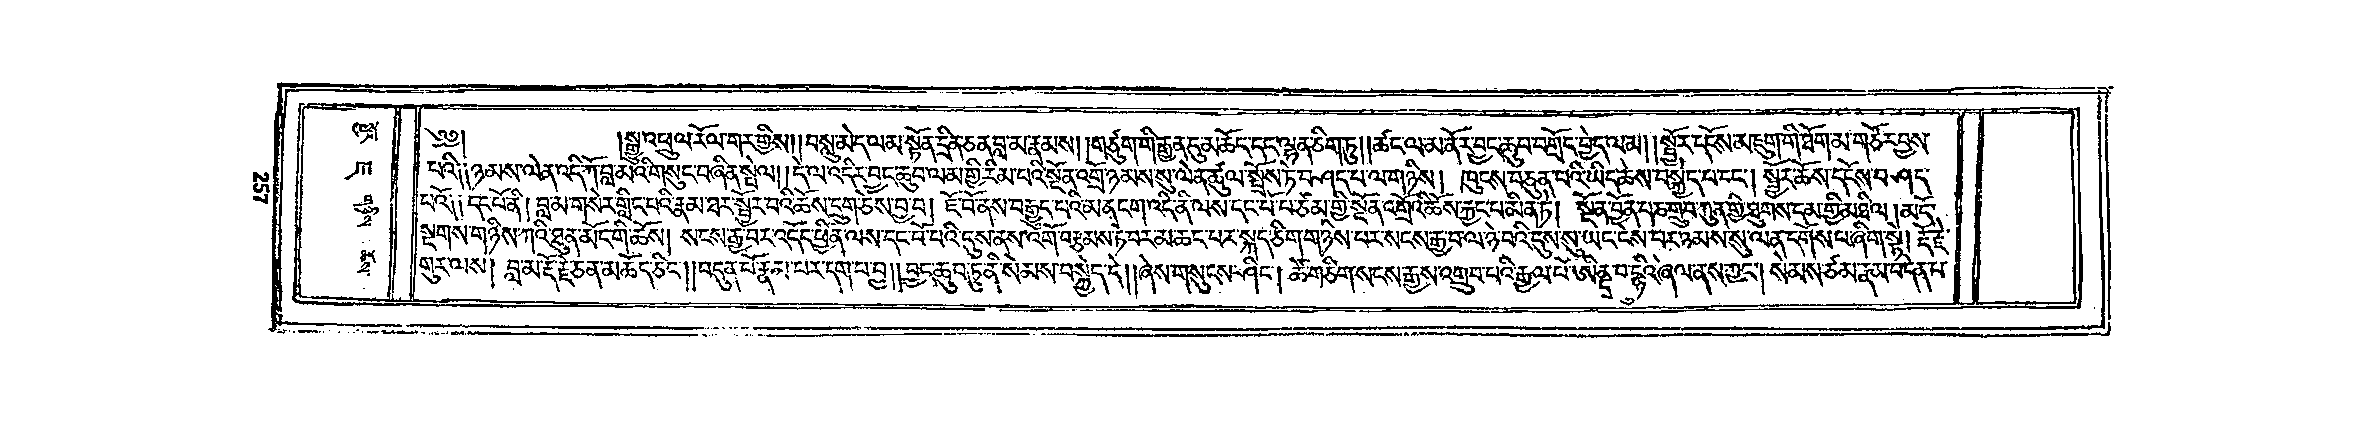༄༅། །སྒྱུ་འཕྲུལ་རོལ་གར་གྱིས། །བསླུ་མེད་ལམ་སྟོན་དྲིན་ཅན་བླ་མ་རྣམས། །གཙུག་གི་རྒྱན་དུ་མཆོད་དང་ལྷན་ཅིག་ཏུ། །ཚང་ལ་མ་ནོར་བྱང་ཆུབ་བགྲོད་བྱེད་ལམ། །སྦྱོར་དངོས་མཇུག་གི་ཐོག་མ་གཙོར་བྱས་
པའི། །ཉམས་ལེན་འདི་ཀོ་བླ་མའི་གསུང་བཞིན་སྤེལ། །དེ་ལ་འདིར་བྱང་ཆུབ་ལམ་གྱི་རིམ་པའི་སྔོན་འགྲོ་ཉམས་སུ་ལེན་ཚུལ་སྤྲོས་ཏེ་བཤད་པ་ལ་གཉིས། ཁུངས་བཅུན་པའི་ཡིད་ཆེས་བསྐྱེད་པ་དང་། སྦྱོར་ཆོས་དངོས་བཤད་
པའོ། །དང་པོ་ནི། བླ་མ་གསེར་གླིང་པའི་རྣམ་ཐར་སྦྱོར་བའི་ཆོས་དྲུག་ཅེས་བྱ་བ། ཇོ་བོ་ནས་བརྒྱུད་པའི་མན་ངག་འདི་ནི་ལས་དང་པོ་པ་ཙམ་གྱི་སྔོན་འགྲོའི་ཆོས་རྐྱང་པ་མིན་ཏེ། སྔོན་བྱོན་པཎ་གྲུབ་ཀུན་གྱི་ཐུགས་དམ་གྱི་མཐིལ། མདོ་
སྔགས་གཉིས་ཀའི་ཐུན་མོང་གི་ཆོས། སངས་རྒྱ་བར་འདོད་ཕྱིན་ལས་དང་པོ་པའི་དུས་ནས་འགོ་བརྩམས་ཏེ་བར་མ་ཆང་པར་སྐད་ཅིག་གཉིས་པར་སངས་རྒྱ་བ་ལ་ཉེ་བའི་དུས་སུ་ཡང་ངེས་པར་ཉམས་སུ་ལན་དགོས་པ་ཞིག་སྟེ། རྡོ་རྗེ་
གུར་ལས། བླ་མ་རྡོ་རྗེ་ཅན་མཆོད་ཅིང་། །བདུན་པོ་རྣམ་པར་དག་པ་བྱ། །བྱང་ཆུབ་ཏུ་ནི་སེམས་བསྐྱེད་དེ། །ཞེས་གསུངས་ཤིང་། ཚེ་གཅིག་སངས་རྒྱས་འགྲུབ་པའི་རྒྱལ་པོ་ཨིནྡྲ་བ་དྷིའི་ཞལ་ནས་ཀྱང་། སེམས་ཙམ་རྣམ་བདེན་པ་